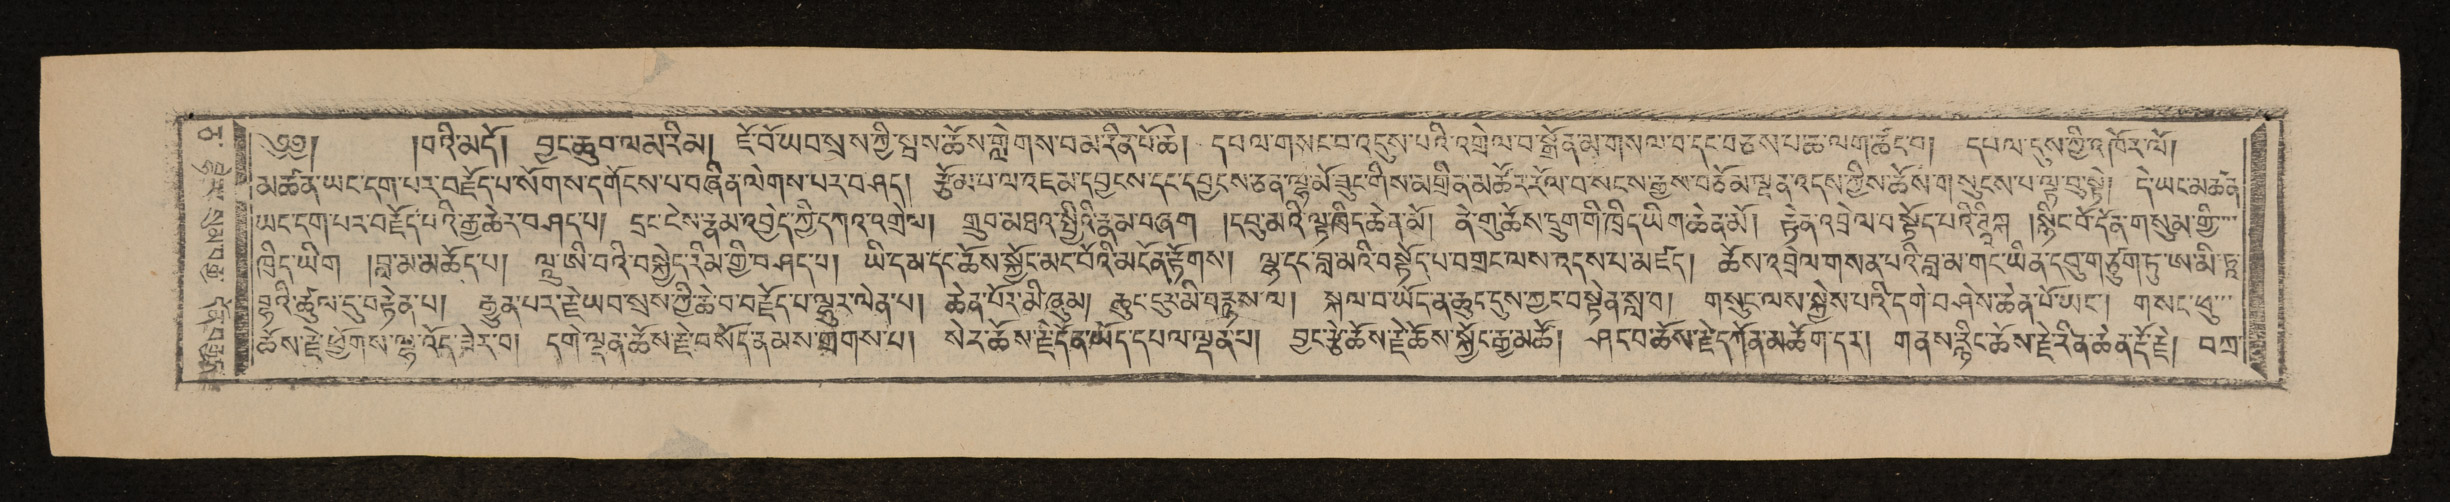༄༅། །བའི་མདོ། བྱང་ཆུབ་ལམ་རིམ། ཇོ་བོ་ཡབ་སྲས་ཀྱི་སྦས་ཆོས་གླེགས་བམ་རིན་པོ་ཆེ། དཔལ་གསང་བ་འདུས་པའི་འགྲེལ་བ་སྒྲོན་མ་གསལ་པ་དང་བཅས་པ་ཆ་ལག་ཚང་བ། དཔལ་དུས་ཀྱི་འཁོར་ལོ།
མཚན་ཡང་དག་པར་བརྗོད་པ་སོགས་དགོངས་པ་བཞིན་ལེགས་པར་བཤད། རྩོམ་པ་ལ་འཇམ་དབྱངས་དང་དབྱངས་ཅན་ལྷ་མོ་ཟུང་གིས་མགྲིན་མཚོར་རོལ་བ་སངས་རྒྱས་བཅོམ་ལྡན་འདས་ཀྱིས་ཆོས་གསུངས་པ་ལྟ་བུ་སྟེ། དེ་ཡང་མཚན་
ཡང་དག་པར་བརྗོད་པའི་རྒྱ་ཆེར་བཤད་པ། དྲང་ངེས་རྣམ་འབྱེད་ཀྱི་དཀའ་འགྲེལ། གྲུབ་མཐའ་སྤྱིའི་རྣམ་བཞག །དབུ་མའི་ལྟ་ཁྲིད་ཆེན་མོ། ནེ་གུ་ཆོས་དྲུག་གི་ཁྲིད་ཡིག་ཆེན་མོ། རྟེན་འབྲེལ་བསྟོད་པའི་ཊཱིཀྐ །སྙིང་པོ་དོན་གསུམ་གྱི་
ཁྲིད་ཡིག །བླ་མ་མཆོད་པ། ལཱུ་ཨི་པའི་བསྐྱེད་རིམ་གྱི་བཤད་པ། ཡི་དམ་དང་ཆོས་སྐྱོང་མང་པོའི་མངོན་རྟོགས། ལྷ་དང་བླ་མའི་བསྟོད་པ་བགྲང་ལས་འདས་པ་མཛད། ཆོས་འབྲེལ་གསན་པའི་བླ་མ་གང་ཡིན་དབུ་གཙུག་ཏུ་ཨ་མི་ཏཱ་
བྷའི་ཚུལ་དུ་བརྟེན་པ། རྒྱུན་པར་རྗེ་ཡབ་སྲས་ཀྱི་ཆེ་བ་བརྗོད་པ་ལྷུར་ལེན་པ། ཆེན་པོར་མི་ཞུམ། ཆུང་ངུར་མི་བརྙས་ལ། སྐལ་བ་ཡོད་ན་ཆུང་དུས་ཀྱང་བསྟེན་སླ་བ། གསུང་ལས་སྐྱེས་པའི་དགེ་བཤེས་ཆེན་པོ་ཡང་། གསང་ཕུ་
ཆོས་རྗེ་ཕྱོགས་ལྷ་འོད་ཟེར་བ། དགེ་ལྡན་ཆོས་རྗེ་བསོད་ནམས་གྲགས་པ། སེར་ཆོས་རྗེ་དོན་ཡོད་དཔལ་ལྡན་པ། བྱང་རྩེ་ཆོས་རྗེ་ཆོས་སྐྱོང་རྒྱ་མཚོ། ཤར་བ་ཆོས་རྗེ་དཀོན་མཆོག་དར། གནས་རྙིང་ཆོས་རྗེ་རིན་ཆེན་རྡོ་རྗེ། བཀྲ་